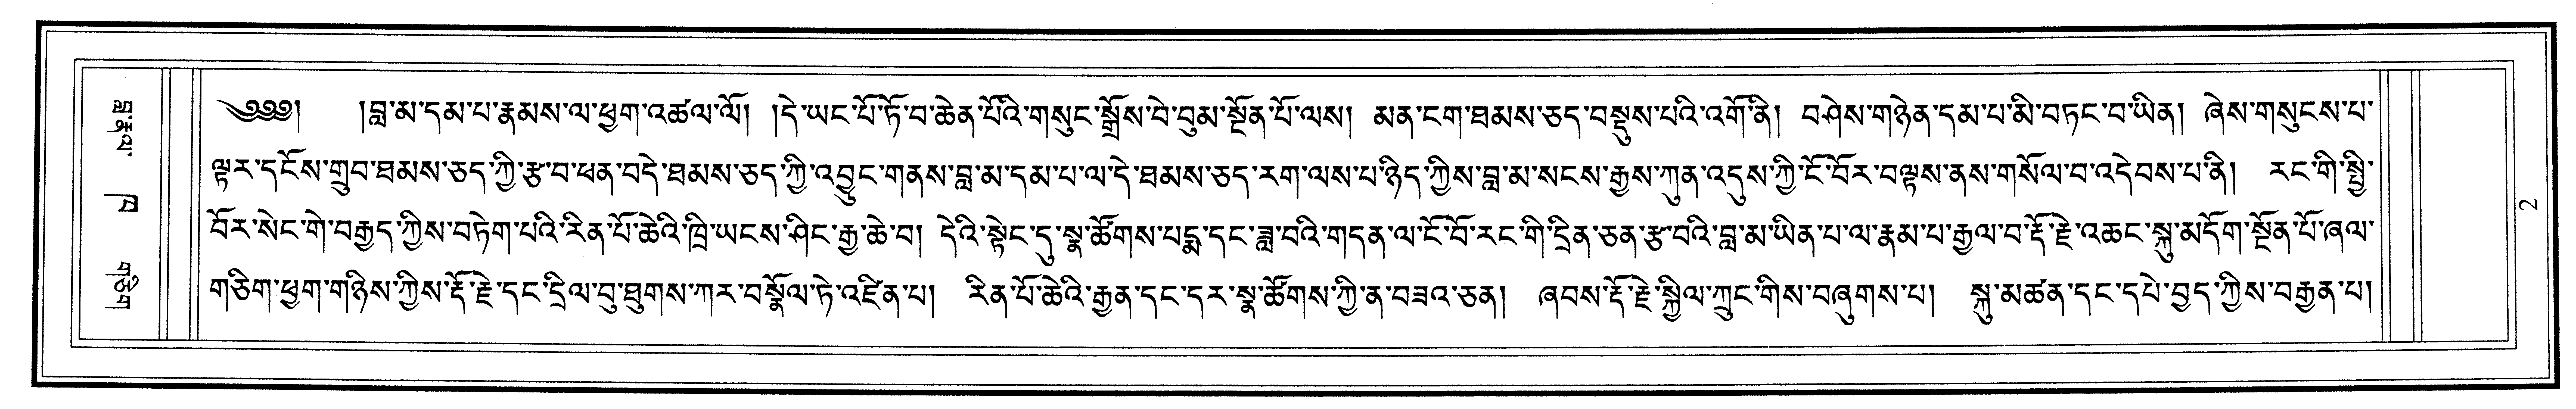༄༅༅། །བླ་མ་དམ་པ་རྣམས་ལ་ཕྱག་འཚལ་ལོ། །དེ་ཡང་པོ་ཏོ་བ་ཆེན་པོའི་གསུང་སྒྲོས་བེ་བུམ་སྔོན་པོ་ལས། མན་ངག་ཐམས་ཅད་བསྡུས་པའི་འགོ་ནི། བཤེས་གཉེན་དམ་པ་མི་བཏང་བ་ཡིན། ཞེས་གསུངས་པ་
ལྟར་དངོས་གྲུབ་ཐམས་ཅད་ཀྱི་རྩ་བ་ཕན་བདེ་ཐམས་ཅད་ཀྱི་འབྱུང་གནས་བླ་མ་དམ་པ་ལ་དེ་ཐམས་ཅད་རག་ལས་པ་ཉིད་ཀྱི་བླ་མ་སངས་རྒྱས་ཀུན་འདུས་ཀྱི་ངོ་བོར་བལྟས་ནས་གསོལ་བ་འདེབས་པ་ནི། རང་གི་སྤྱི་
བོར་སེང་གེ་བརྒྱད་ཀྱིས་བཏེག་པའི་རིན་པོ་ཆེའི་ཁྲི་ཡངས་ཤིང་རྒྱ་ཆེ་བ། དེའི་སྟེང་དུ་སྣ་ཚོགས་པདམ་དང་ཟླ་བའི་གདན་ལ་ངོ་བོ་རང་གི་དྲིན་ཅན་རྩ་བའི་བླ་མ་ཡིན་པ་ལ་རྣམ་པ་རྒྱལ་བ་རྡོ་རྗེ་འཆང་སྐུ་མདོག་སྔོན་པོ་ཞལ་
གཅིག་ཕྱག་གཉིས་ཀྱིས་རྡོ་རྗེ་དང་དྲིལ་བུ་ཐུགས་ཀར་བསྣོལ་ཏེ་འཛིན་པ། རིན་པོ་ཆེའི་རྒྱན་དང་དར་སྣ་ཚོགས་ཀྱི་ན་བཟའ་ཅན། ཞབས་རྡོ་རྗེ་སྐྱིལ་ཀྲུང་གིས་བཞུགས་པ། སྐུ་མཚན་དང་དཔེ་བྱད་ཀྱིས་བརྒྱན་པ།